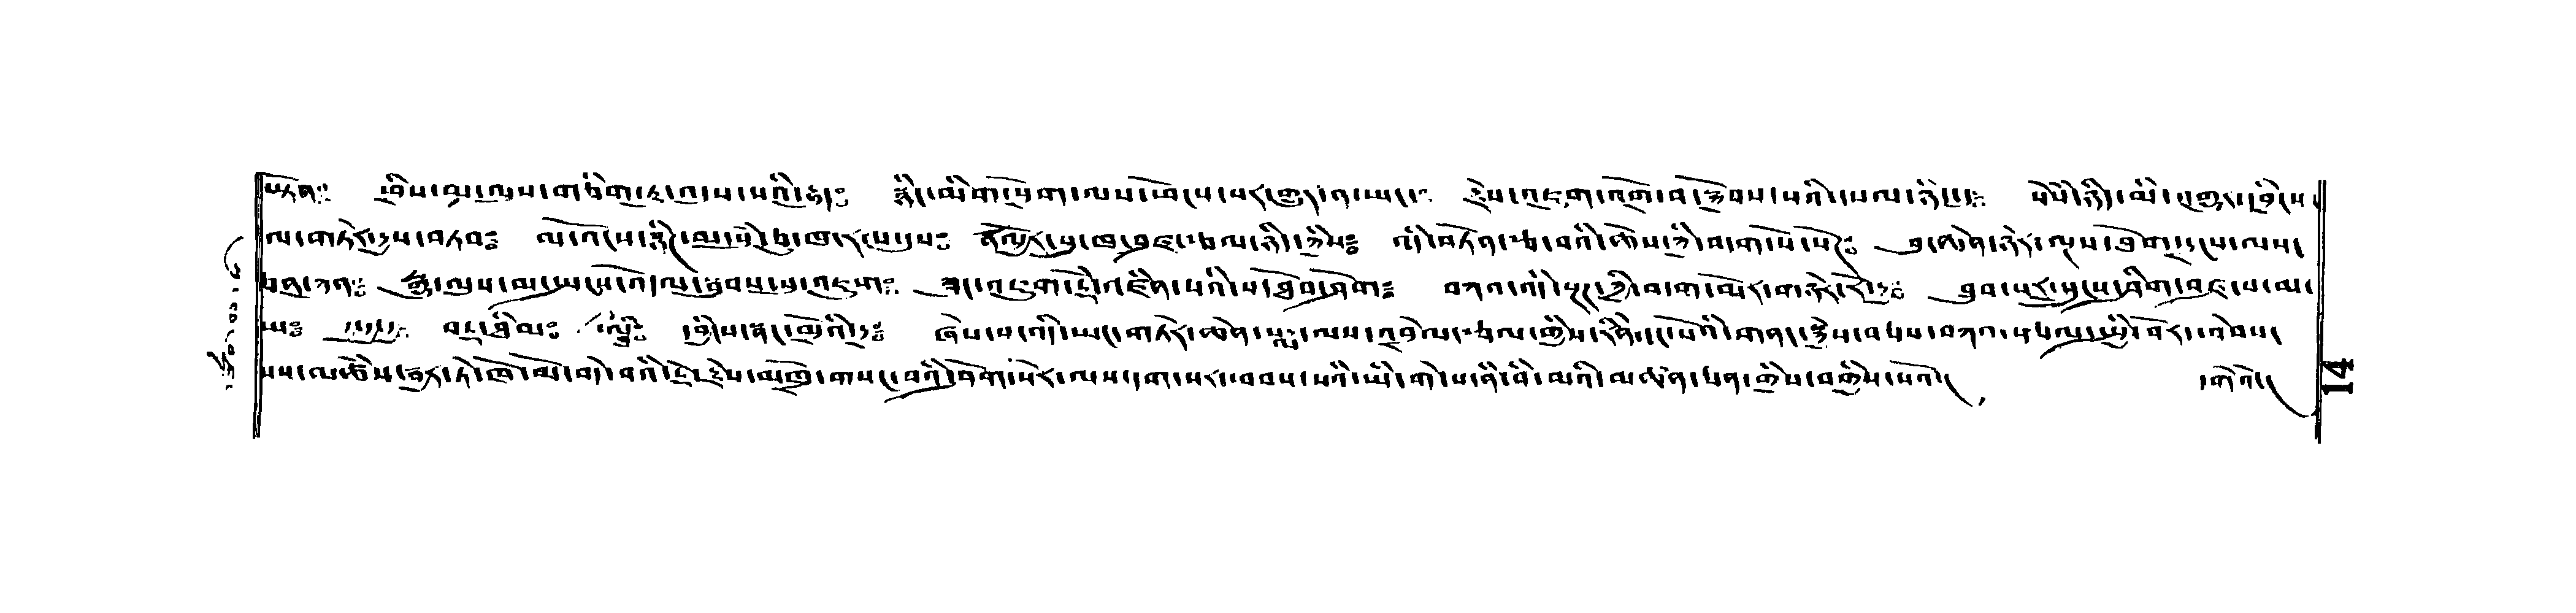ཡོན་ཏན༔ ཕྲིན་ལས་མ་ལུས་གཅིག་ཏུ་འདུས་པའི་རྒྱུད༔ སྙིང་མིག་སྲོག་ལས་ཕངས་པར་གྱུར་ན་ཡང༔ རྗེས་འཇུག་འགྲོ་བ་སྐྱོབ་པའི་དཔལ་ཉིད་དུ༔ སེམས་ཉིད་མི་འགྱུར་དབྱིངས་
ལ་གཏེར་རྒྱས་བཏབ༔མ་འོངས་སྙིགས་མ་སུམ་ཅུ་ཁ་རལ་དུས༔ རྣལ་འབྱོར་སུ་ཁ་བཛྲ་རྩལ་ཉིད་ཀྱིས༔ འདི་བཏོན་རྩ་བའི་ཆོས་ཀྱི་བདག་པོ་སོགས༔ བུ་ཆེན་ཉེར་ལྔས་ཐོག་དྲངས་ལས་
ཅན་ཀུན༔ སྒྱུ་ལུས་མ་སྤངས་འོད་གསལ་སྦུབས་སུ་འཇུག༔ ཟུང་འཇུག་རྡོ་རྗེ་འཛིན་པའི་ས་ཐོབ་ཤོག༔ བཀའ་འདི་སྔགས་ཀྱི་བདག་མོར་གཉེར་རོ་རྒྱ༔ ཐུབ་པར་སྲུངས་ཤིག་བཛྲ་ས་མ་
ཡ༔ རྒྱ་རྒྱ་རྒྱ༔ བརྡ་ཐིམ༔ ༔ དབྱིངས་སྣང་མཁའ་འགྲོའི་རྒྱ༔ ཞེས་པ་འདི་ཡང་གཏེར་ཆེན་པདྨ་ལས་འབྲེལ་རྩལ་གྱིས་རིན་ཆེན་དང་པོའི་གནང་སྐྱེས་བཅས་བཀའ་བསྩལ་སྤྱི་བོར་ཕེབས་
པས་མཚམས་སྦྱར་ཏེ་ཁོ་མོ་བདེ་བའི་རྡོ་རྗེས་མཁའ་འགྲོ་གསང་བའི་ཤོག་སེར་ལས་དག་པར་ཕབ་པའི་ཡི་གེ་པ་ནི་བཱི་མའི་མཚན་ཅན་གྱིས་བགྱིས་པའོ།། དགེའོ།།